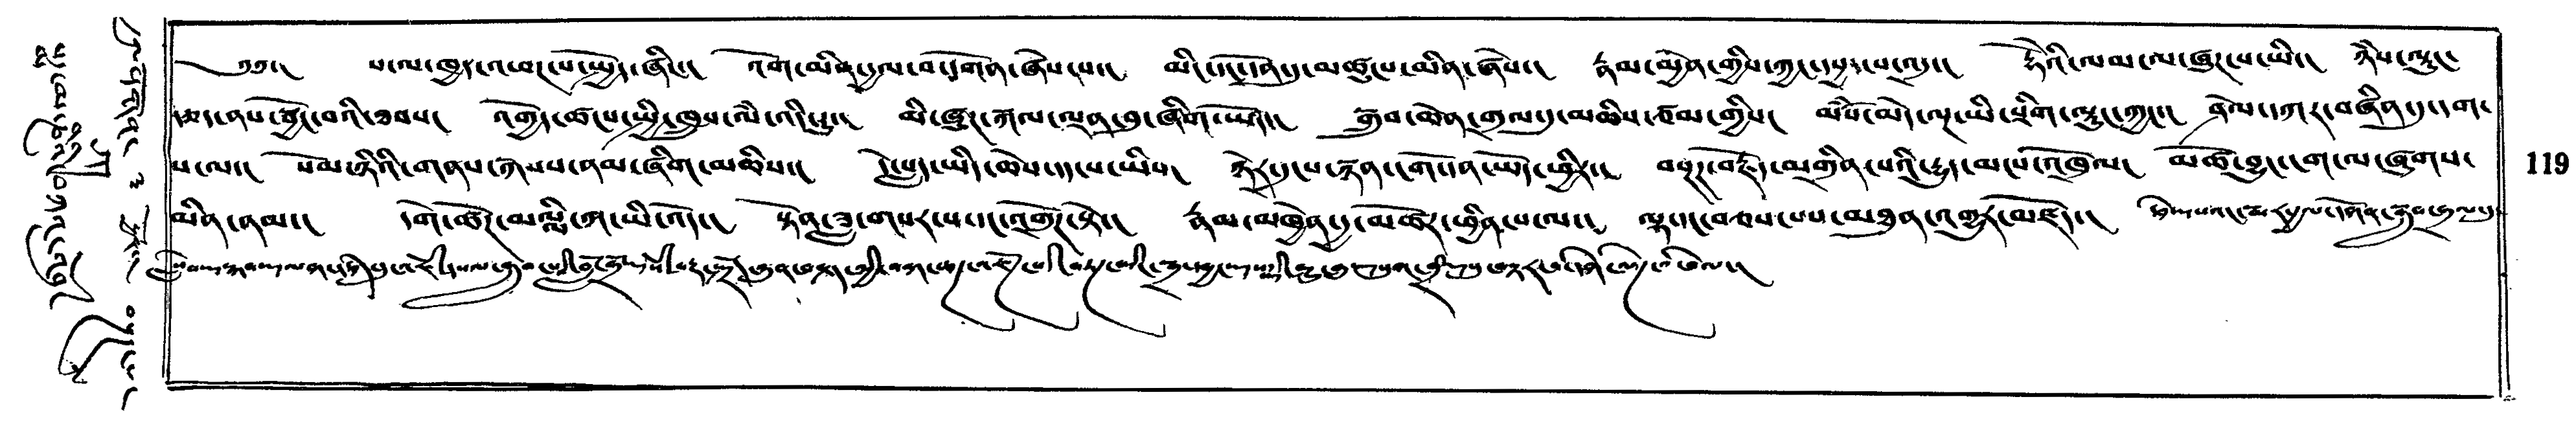ས་ལ་ཁྱད་འཕགས་ས་སྤྱོད་ཞིང་། །འོག་མིན་རྒྱལ་བ་དགོན་ཞེས་པ། །མིང་དང་དོན་དུ་མཚུངས་མིན་ཞེས། །རྣམ་མཁྱེན་གྱིས་ཀྱང་དཔྱད་པ་འདྲ། །རྡོ་རྗེའི་ལམ་ལ་ཞུགས་པ་ཡི། །ཉམས་ལྟུང་
རྩད་ནས་སྦྱོང་བའི་ཐབས། །འགྱོད་ཚངས་སྤྱི་ཁྲུས་ལམ་འདི་རུ། །མི་ཞུགས་སྐལ་ལྡན་སུ་ཞིག་ཡོད། །སྒྲུབ་ཆེན་གྲལ་དུ་མཆིས་ཙམ་གྱིས། །མཚམས་མེད་ལྔ་ཡི་སྡིག་ལྟུང་ཡང་། །ཤེལ་དཀར་བཞིན་དུ་དག་
པ་ལ། །སོམ་ཉིའི་གནས་སྐབས་ནམ་ཞིག་མཆིས། །དེ་སླད་ཡིད་ཆེས་དད་པ་ཡིས། །ཉེར་དྲངས་སྙན་ངག་དོན་ཡོད་ཕྱིར། །བསྔགས་བརྗོད་མགྲིན་པའི་རྒྱུད་མངས་འཁྲོལ། །མཚོ་བྱུང་ངག་ལ་ཞུགས་
མིན་ནམ། །དགེ་ཚོགས་མལླི་ཀ་ཡི་འོད། །སྟོན་ཟླ་གསར་པ་དང་འགྲོགས་སྟེ། །རྣམ་མཁྱེན་རྒྱ་མཚོར་ཕྱིན་པ་ལ། །ལྷ་དང་བཅས་པས་མཐུན་འགྱུར་མཛོད། ། ཅེས་པའང་སྨར་ཤོད་རྒྱལ་བ་དགོན་གྱི་སྒྲུབ་གྲལ་དུ་
སླེབས་སྐབས་ལག་རྩེད་དུ་འཇམ་དཔལ་གྲུབ་པའི་བློ་གྲོས་སམ་བརྡ་སྤྲོད་ཀུན་བཤད་ཀྱི་བག་ཆགས་འཇོག་པའི་བཏགས་མིང་སྒྲ་དབྱངས་པདྨའི་མྱུ་གུས་སུག་བྲིས་སུ་བསྟར་བ་དགེ་ལེགས་འཕེལ།། །།